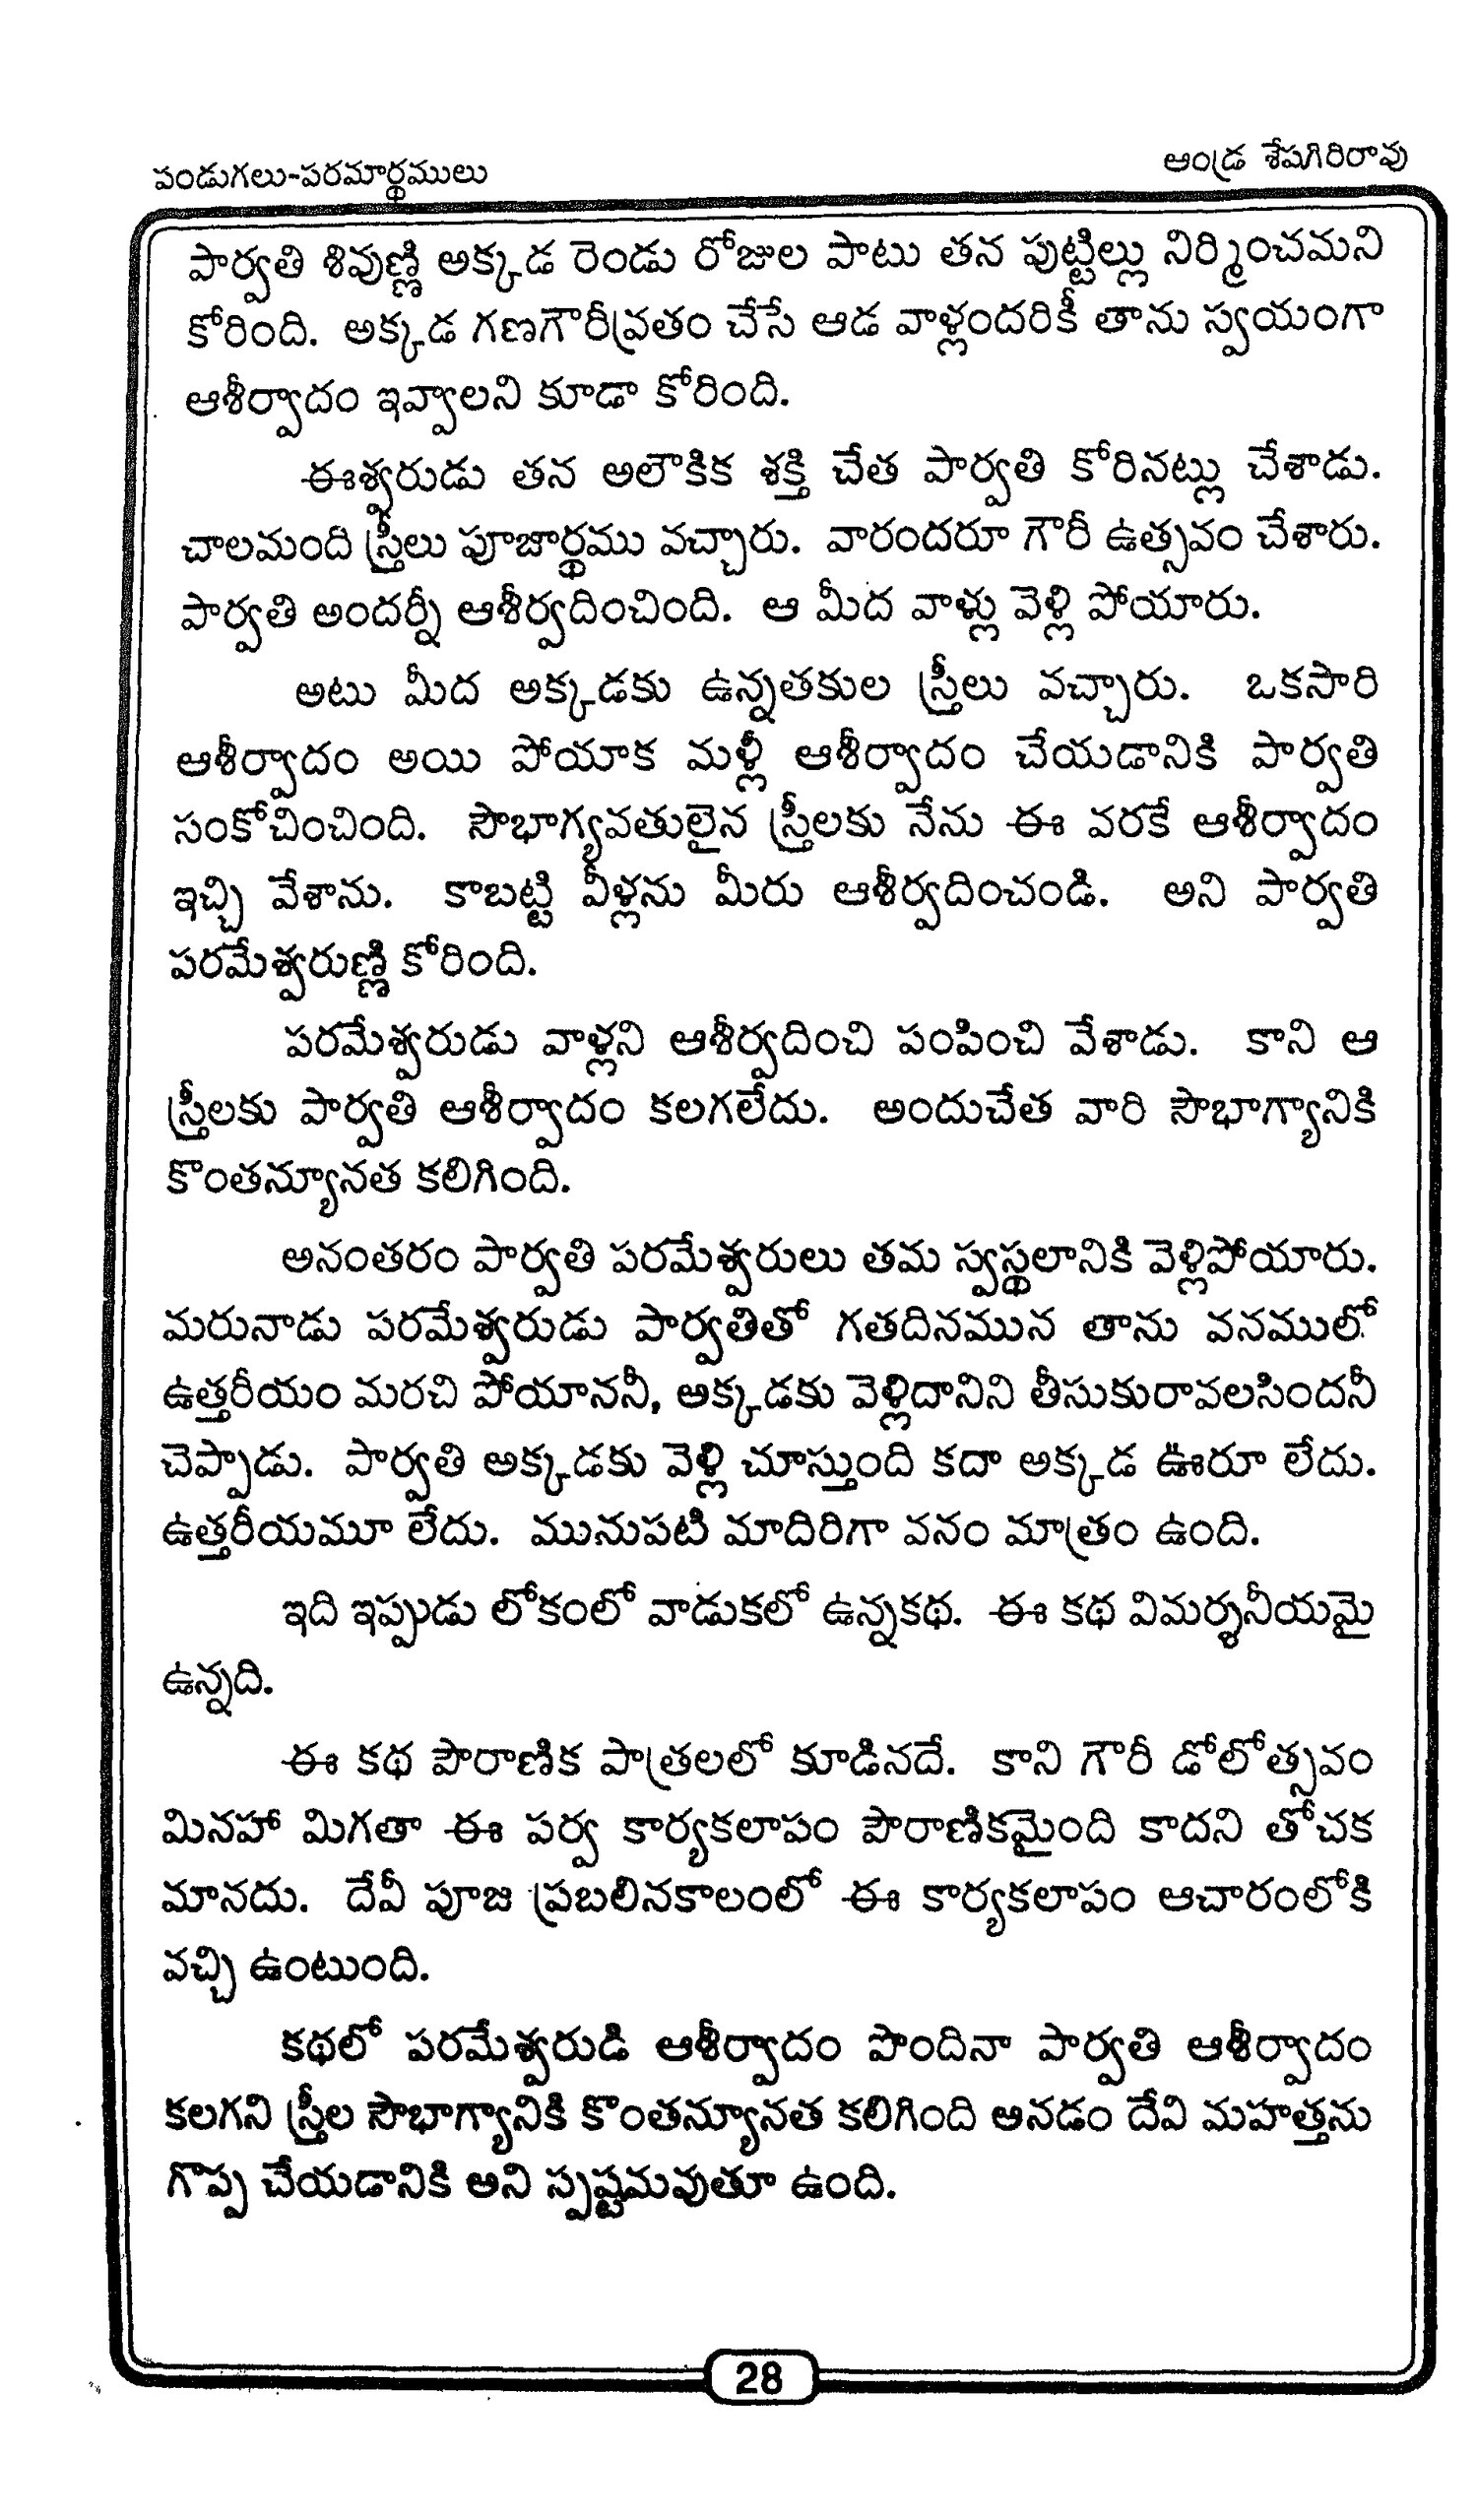పార్వతి శివుణ్ణి అక్కడ రెండు రోజుల పాటు తన పుట్టిల్లు నిర్మించమని కోరింది. అక్కడ గణగౌరీవ్రతం చేసే ఆడ వాళ్లందరికీ తాను స్వయంగా ఆశీర్వాదం ఇవ్వాలని కోరింది.

ఈశ్వరుడు తన అలౌకిక శక్తి చేత పార్వతి కోరినట్లు చేశాడు. చాలమంది స్త్రీలు పూజార్థము వచ్చారు. వారందరూ గౌరీ ఉత్సవం చేశారు. పార్వతి అందర్నీ ఆశీర్వదించింది. ఆ మీద వాళ్లు వెళ్లిపోయారు.

అటు మీద అక్కడకు ఉన్నతకుల స్త్రీలు వచ్చారు. ఒకసారి ఆశీర్వాదం అయిపోయాక మళ్లీ ఆశీర్వాదం చేయడానికి పార్వతి సంకోచించింది. సౌభాగ్యవతులైన స్త్రీలకు నేను ఈవరకే ఆశీర్వాదం ఇచ్చివేశాను. కాబట్టి వీళ్లను మీరు ఆశీర్వదించండి. అని పార్వతి పరమేశ్వరుణ్ణి కోరింది.

పరమేశ్వరుడు వాళ్లను ఆశీర్వదించి పంపించి వేశాడు. కాని ఆ స్త్రీలకు పార్వతి ఆశీర్వాదం కలగలేదు. అందుచేత వారి సౌభాగ్యానికి కొంత న్యూనత కలిగింది. 

అనంతరం పార్వతి పరమేశ్వరులు తమ స్వస్థలానికి వెళ్లిపోయారు. మరునాడు పరమేశ్వరుడు పార్వతితో గత దినమున తాను వనములో ఉత్తరీయం మరచిపోయానని, అక్కడకు వెళ్లి దానిని తీసుకురావలసిందనీ చెప్పాడు. పార్వతి అక్కడకు వెళ్లి చూస్తుంది కదా అక్కడ ఊరూ లేదు. ఉత్తరీయమూ లేదు. మునుపటి మాదిరిగా వనం మాత్రం ఉంది.

ఇది ఇప్పుడు లోకంలో వాడుకలో ఉన్నకథ. ఈ కథ విమర్శనీయమై ఉన్నది.

ఈ కథ పౌరాణిక పాత్రలలో కూడినదే. కాని గౌరీ డోలోత్సవం మినహా మిగతా ఈ పర్వ కార్యకలాపం పౌరాణికమైంది కాదని తోచక మానదు. దేవీ పూజ ప్రబలిన కాలంలో ఈ కార్యకలాపం ఆచారంలోకి వచ్చి ఉంటుంది.

కథలో పరమేశ్వరుడి ఆశీర్వాదం పొందినా పార్వతి ఆశీర్వాదం కలగని స్త్రీల సౌభాగ్యానికి కొంత న్యూనత కలిగింది అనడం దేవి మాహత్తును గొప్ప చేయడానికి అని స్పష్టమవుతూ ఉంది.